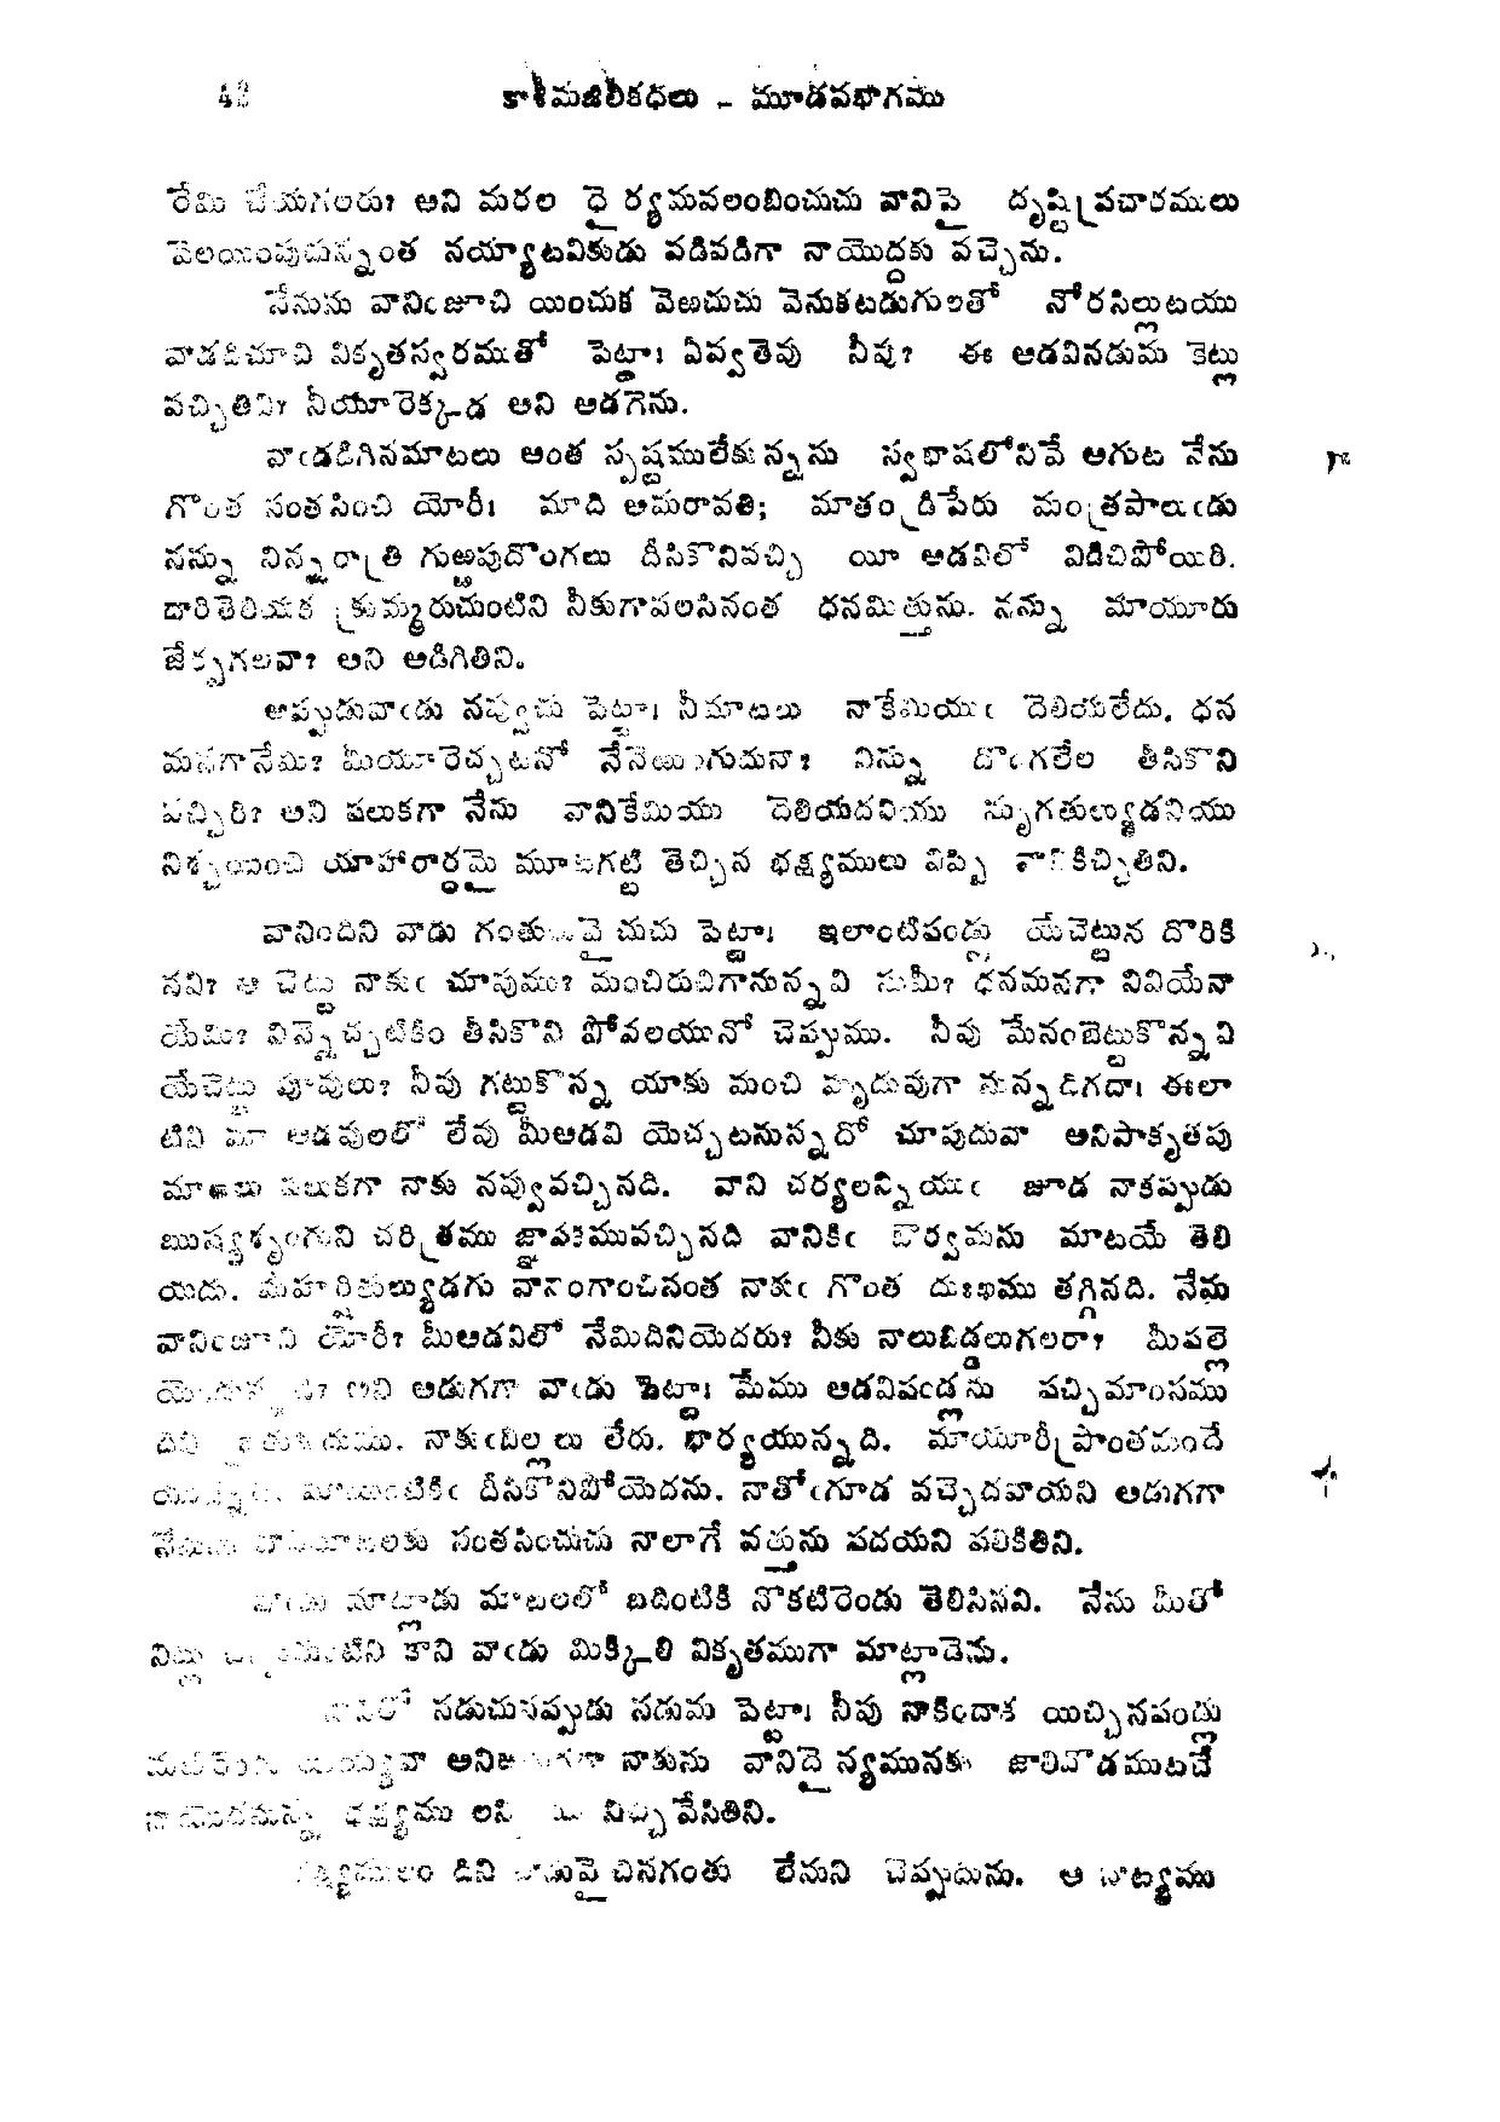రేమి చేయగలరు? అని మరల ధైర్యమవలంబించుచు వానిపై దృష్టిప్రచారములు వెలయింపుచున్నంత నయ్యాటవికుడు వడివడిగా నాయొద్దకు వచ్చెను.

నేనును వానింజూచి యించుక వెఱచుచు వెనుకటడుగులతో నోరసిల్లుటయు వాడదిచూచి వికృతస్వరముతో పెట్టా! ఎవ్వతెవు నీవు? ఈ అడవినడుమ కెట్లు వచ్చితివి? నీయూరెక్కడ అని అడగెను.

వాఁడడిగినమాటలు అంత స్పష్టములేకున్నను స్వభాషలోనివే అగుట నేను గొంత సంతసించి యోరీ! మాది అమరావతి; మాతండ్రిపేరు మంత్రపాలుఁడు నన్ను నిన్నరాత్రి గుఱ్రపుదొంగలు దీసికొనివచ్చి యీ అడవిలో విడిచిపోయిరి. దారితెలియక క్రుమ్మరుచుంటిని నీకుగావలసినంత ధనమిత్తును. నన్ను మాయూరు జేర్పగలవా? అని అడిగితిని.

అప్పుడువాఁడు నవ్వుచు పెట్టా! నీమాటలు నాకేమియుఁ దెలియలేదు. ధన మనగానేమి? మీయూరెచ్చటనో నేనెఱుంగుదునా? నిన్ను దొంగలేల తీసికొని వచ్చిరి? అని పలుకగా నేను వానికేమియు దెలియదనియు మృగతుల్యుడనియు నిశ్చయించి యాహారార్ధమై మూటగట్టి తెచ్చిన భక్ష్యములు విప్పి వానికిచ్చితిని.

వానిందిని వాడు గంతులువైచుచు పెట్టా! ఇలాంటిపండ్లు యేచెట్టున దొరికినవి? ఆ చెట్టు నాకుఁ చూపుము? మంచిరుచిగానున్నవి సుమీ? ధనమనగా నివియేనా యేమి? నిన్నెచ్చటికిం తీసికొని పోవలయునో చెప్పుము. నీవు మేనంబెట్టుకొన్నవి యేచెట్టు పూవులు? నీవు గట్టుకొన్న యాకు మంచి మృదువుగా నున్నదిగదా! ఈలాటివి మా అడవులలో లేవు మీఅడవి యెచ్చటనున్నదో చూపుదువా అనిపాకృతపు మాటలు పలుకగా నాకు నవ్వువచ్చినది. వాని చర్యలన్నియుఁ జూడ నాకప్పుడు
ఋష్యశృంగుని చరిత్రము జ్ఞాపకమువచ్చినది వానికిఁ ఔర్వమను మాటయే తెలియదు. 
మహర్షితుల్యుడగు వానింగాంచినంత నాకుఁ గొంత దుఃఖము తగ్గినది. నేను వానింజూచి యోరీ? మీఅడవిలో నేమిదినియెదరు? నీకు నాలుబిడ్డలుగలరా? మీపల్లె యెక్కడన్నది? అని అడుగగా వాఁడు పెట్టా! మేము అడవిపండ్లను పచ్చిమాంసము దిని బ్రతుకుదుము. నాకుఁబిల్లలు లేరు. భార్యయున్నది. మాయూ రీప్రాంతమందే యున్నది. మాయింటికిఁ దీసికొనిపోయెదను. నాతోఁగూడ వచ్చెదవాయని అడుగగా నేనును వానిమాటలకు సంతసించుచు నాలాగే వత్తును పదయని పలికితిని.

వాఁడు మాట్లాడు మాటలలో బదింటికి నొకటిరెండు తెలిసినవి. నేను మీతో నిట్లు చెప్పుచుంటిని కాని వాఁడు మిక్కిలి వికృతముగా మాట్లాడెను.

వానితో నడుచునప్పుడు నడుమ పెట్టా! నీవు నాకిందాక యిచ్చినపండ్లు మఱిరెండు యియ్యవా అనిఅడుగగా నాకును వానిదైన్యమునకు జాలివొడముటచే నాయొద్దనున్న భక్ష్యము లన్నియు 
నిచ్చివేసితిని.

భక్ష్యములం దిని వాడువైచినగంతు లేమని చెప్పుదును. ఆ నాట్యము